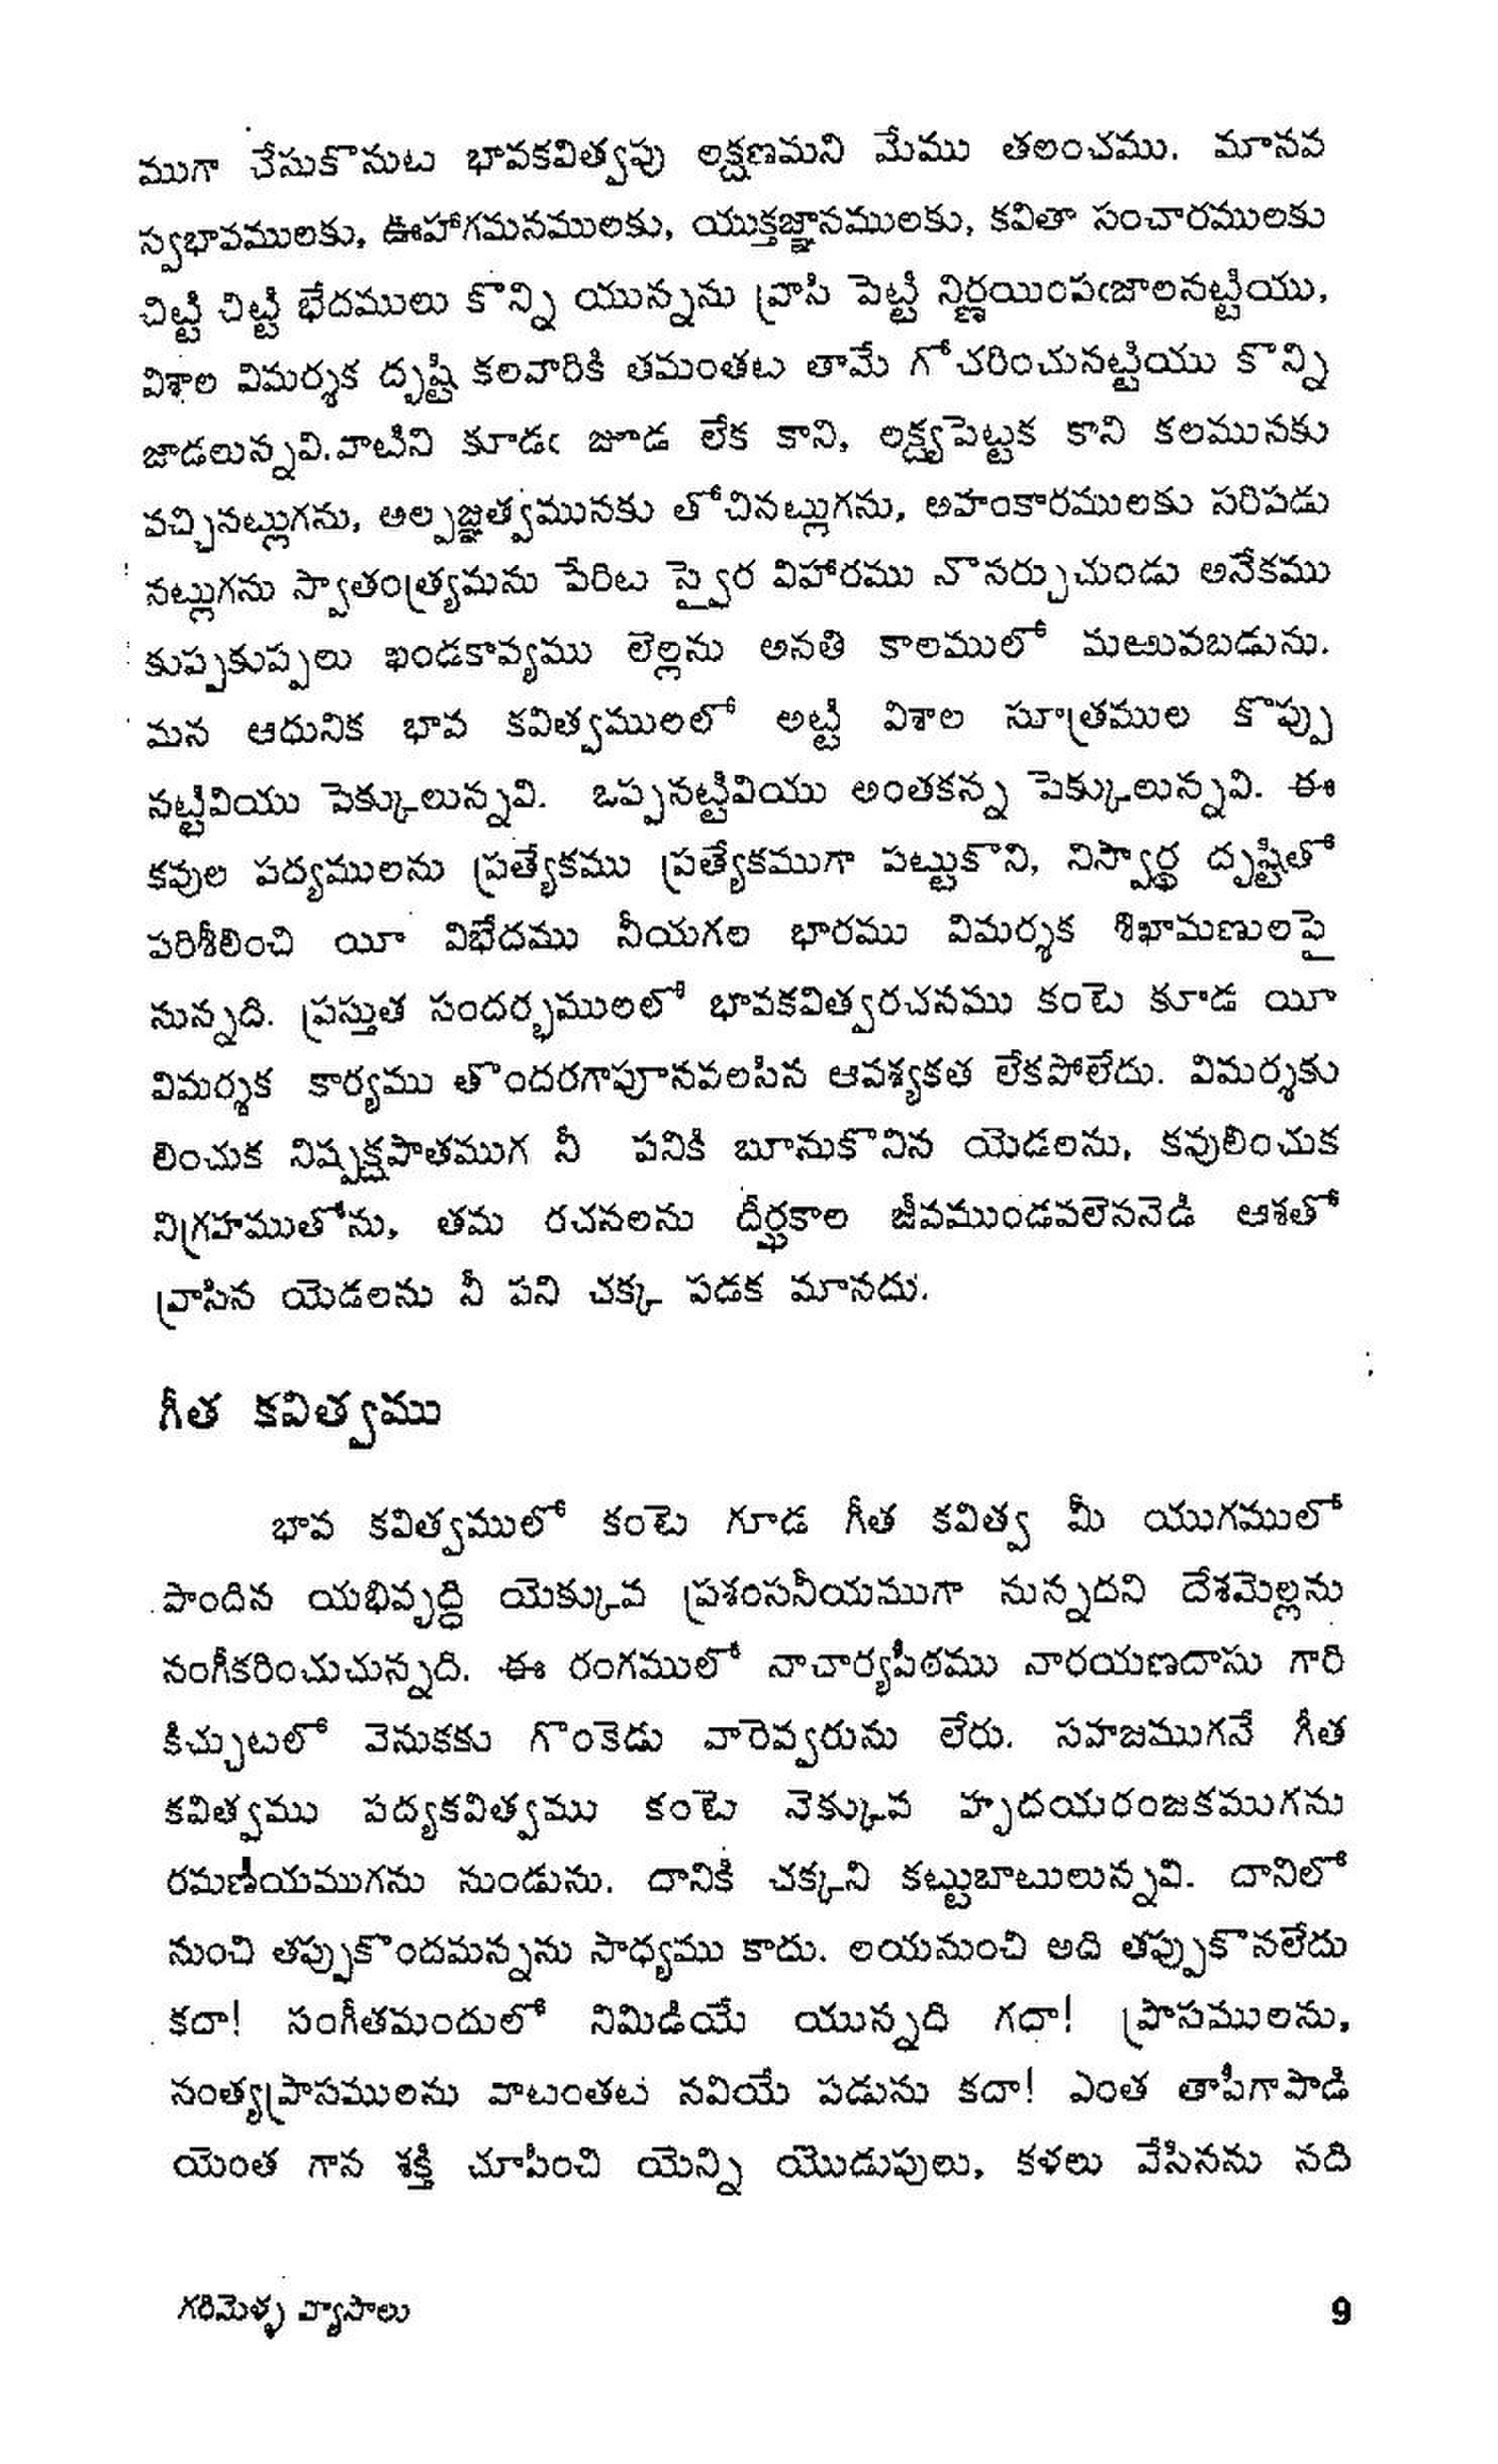ముగా చేసుకొనుట భావకవిత్వపు లక్షణమని మేము తలంచము. మానవ స్వభావములకు, ఊహాగమనములకు, యుక్తజ్ఞానములకు, కవితా సంచారములకు చిట్టి చిట్టి భేదములు కొన్ని యున్నను వ్రాసి పెట్టి నిర్ణయింపఁజాలనట్టియు, విశాల విమర్శక దృష్టి కలవారికి తమంతట తామే గోచరించునట్టియు కొన్ని జాడలున్నవి. వాటిని కూడఁ జూడ లేక కాని, లక్ష్యపెట్టక కాని కలమునకు వచ్చినట్లుగను, అల్పజ్ఞత్వమునకు తోచినట్లుగను, అహంకారములకు సరిపడునట్లును స్వాతంత్ర్యమను పేరిట స్వైర విహారము నొనర్చుచుండు అనేకము కుప్పకుప్పలు ఖండకావ్యము లెల్లను అనతి కాలములో మఱువబడును. మన ఆధునిక భావ కవిత్వములలో అట్టి విశాల సూత్రముల కొప్పునట్టివియు పెక్కులున్నవి. ఒప్పనట్టివియు అంతకన్న పెక్కులున్నవి. ఈ కవుల పద్యములను ప్రత్యేకము ప్రత్యేకముగా పట్టుకొని, నిస్వార్థ దృష్టితో పరిశీలించి యీ విభేదము నీయగల భారము విమర్శక శిఖామణులపై నున్నది. ప్రస్తుత సందర్భములలో భావకవిత్వరచనము కంటె కూడ యీ విమర్శక కార్యము తొందరగాపూనవలసిన ఆవశ్యకత లేకపోలేదు. విమర్శకు లించుక నిష్పక్షపాతముగ నీ పనికి బూనుకొనిన యెడలను, కవులించుక నిగ్రహముతోను, తమ రచనలను దీర్ఘకాల జీవముండవలెననెడి ఆశతో వ్రాసిన యెడలను నీ పని చక్క పడక మానదు.

గీత కవిత్వము

భావ కవిత్వములో కంటె గూడ గీత కవిత్వ మీ యుగములో పొందిన యభివృద్ధి యెక్కువ ప్రశంసనీయముగా నున్నదని దేశమెల్లను నంగీకరించుచున్నది. ఈ రంగములో నాచార్యపీఠము నారాయణదాసు గారి కిచ్చుటలో వెనుకకు గొంకెడు వారెవ్వరును లేరు. సహజముగనే గీత కవిత్వము పద్యకవిత్వము కంటె నెక్కువ హృదయరంజకముగను రమణీయముగను నుండును. దానికి చక్కని కట్టుబాటులున్నవి. దానిలో నుంచి తప్పుకొందమన్నను సాధ్యము కాదు. లయనుంచి అది తప్పుకొనలేదు కదా! సంగీతమందులో నిమిడియే యున్నది గదా! ప్రాసములను, నంత్యప్రాసములను వాటంతట నవియే పడును కదా! ఎంత తాపీగాపాడి యెంత గాన శక్తి చూపించి యెన్ని యెడుపులు, కళలు వేసినను నది